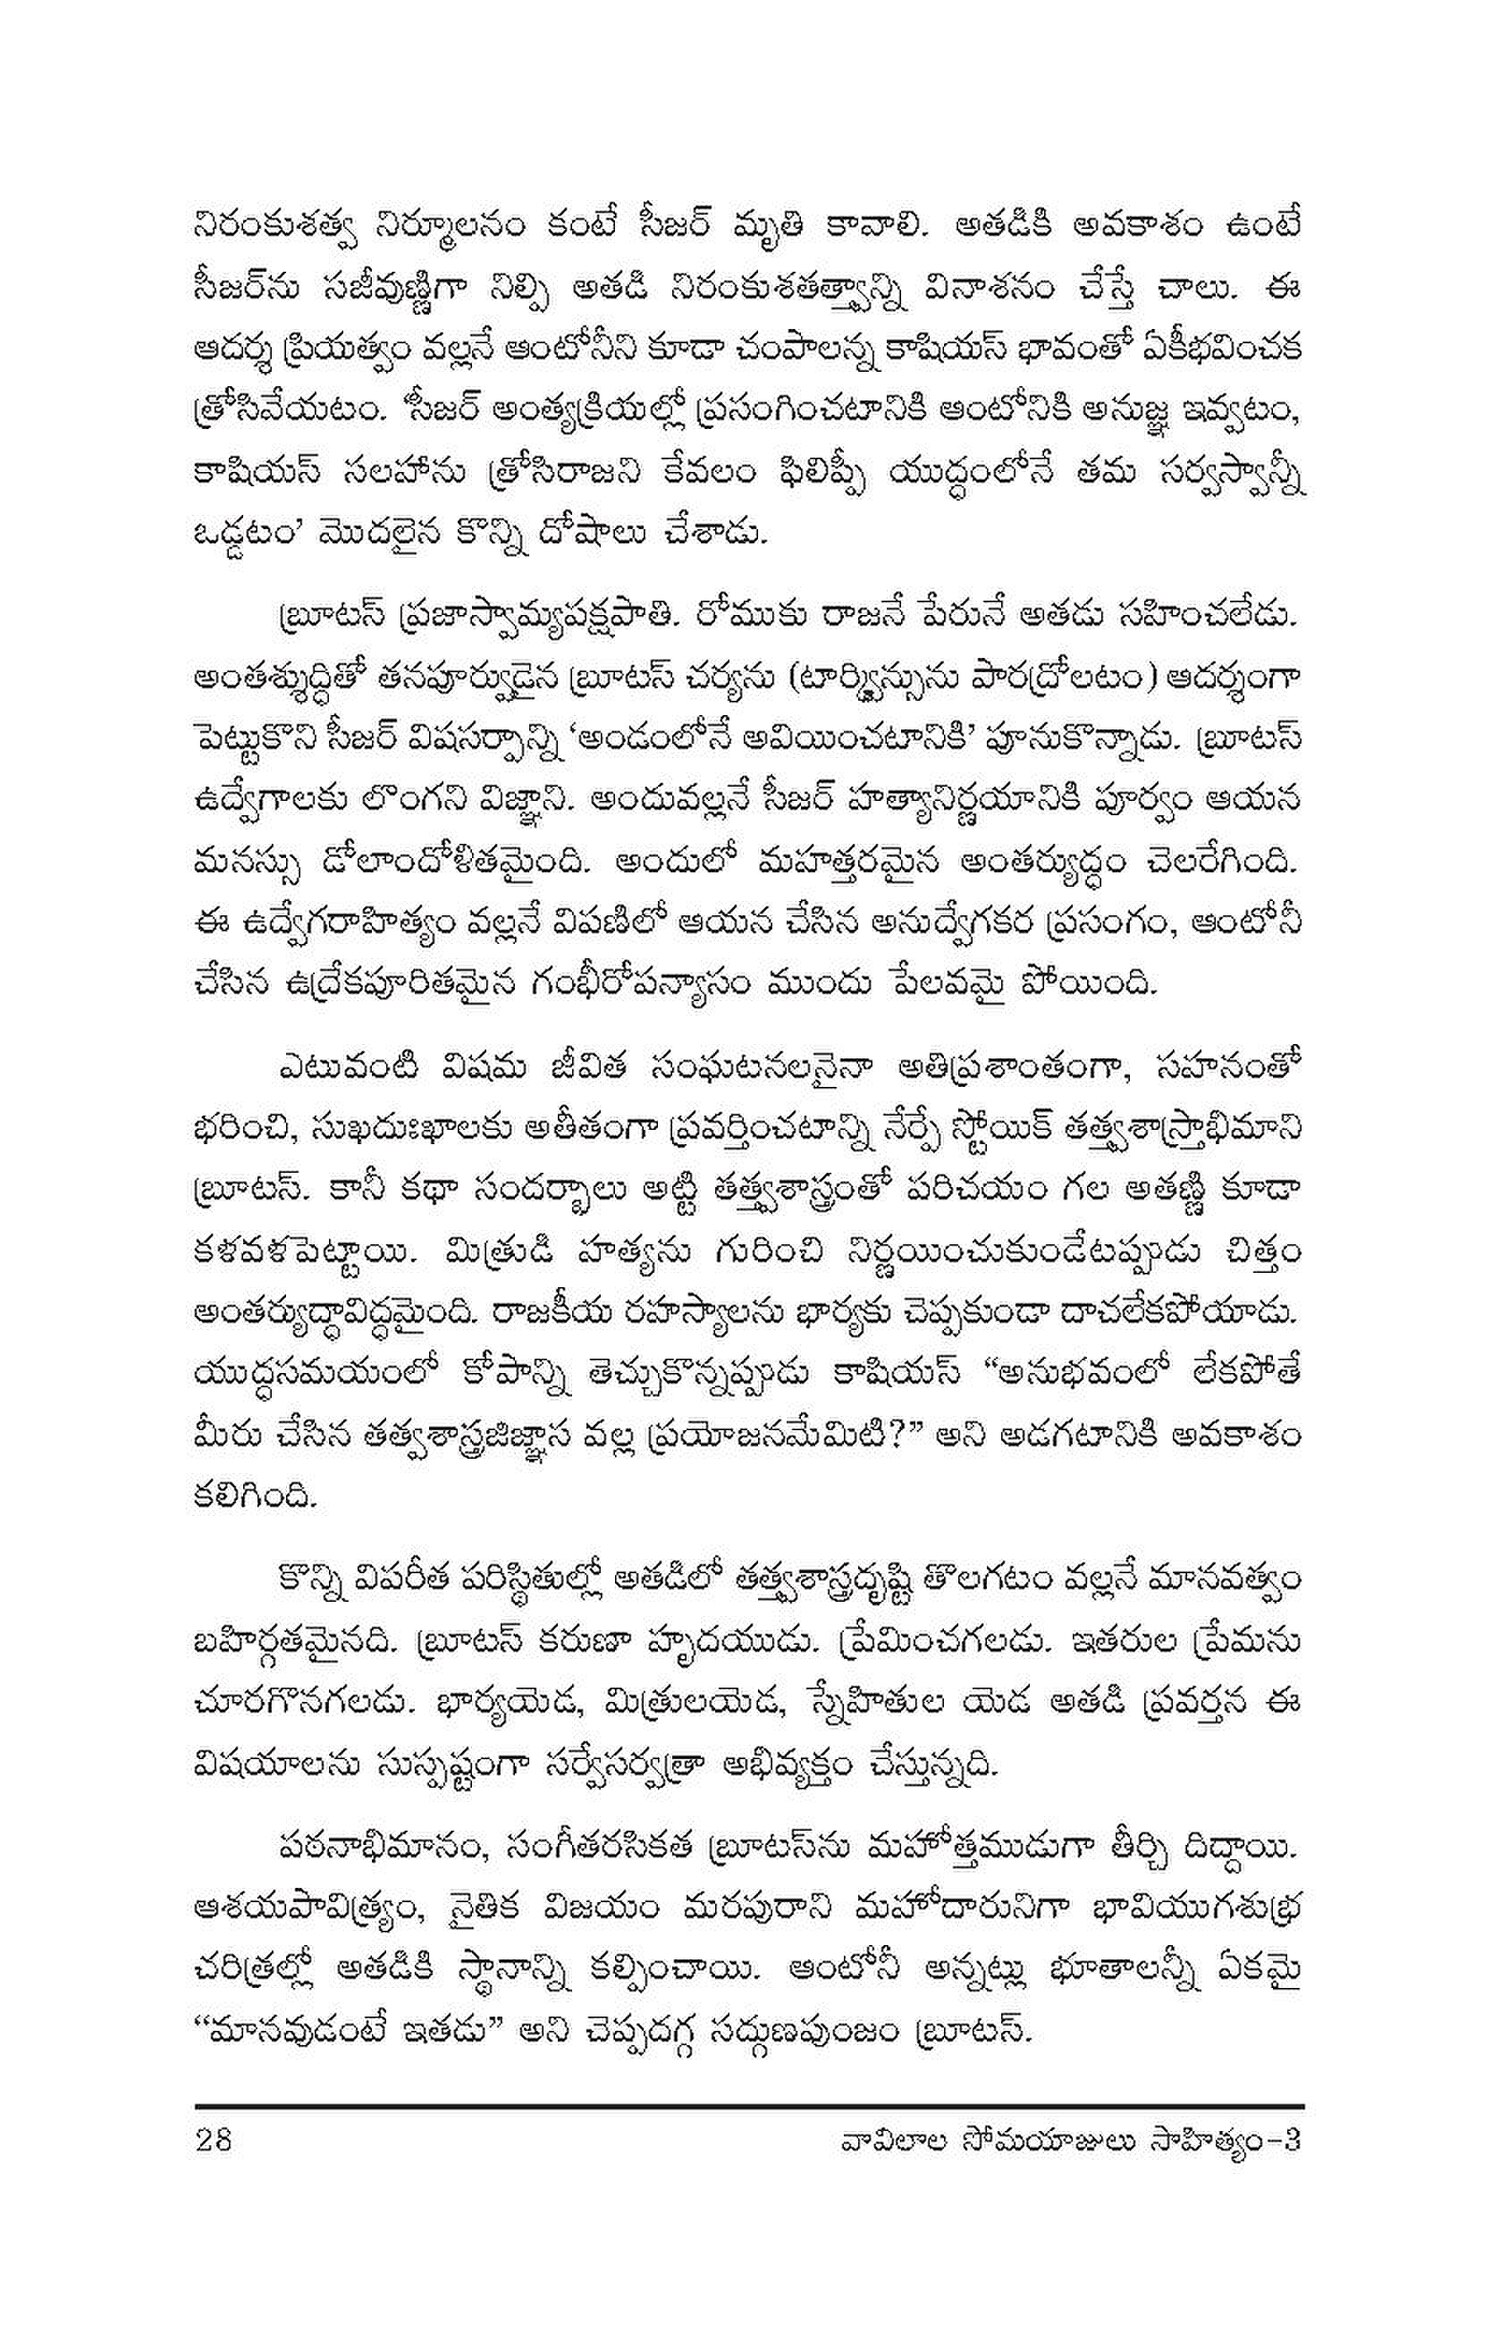నిరంకుశత్వ నిర్మూలనం కంటే సీజర్ మృతి కావాలి. అతడికి అవకాశం ఉంటే సీజర్ను సజీవుణ్ణిగా నిల్పి అతడి నిరంకుశతత్త్వాన్ని వినాశనం చేస్తే చాలు. ఈ ఆదర్శ ప్రియత్వం వల్లనే ఆంటోనీని కూడా చంపాలన్న కాషియస్ భావంతో ఏకీభవించక త్రోసివేయటం. 'సీజర్ అంత్యక్రియల్లో ప్రసంగించటానికి ఆంటోనికి అనుజ్ఞ ఇవ్వటం, కాషియస్ సలహాను త్రోసిరాజని కేవలం ఫిలిప్పీ యుద్ధంలోనే తమ సర్వస్వాన్నీ ఒడ్డటం' మొదలైన కొన్ని దోషాలు చేశాడు.

బ్రూటస్ ప్రజాస్వామ్యపక్షపాతి. రోముకు రాజనే పేరునే అతడు సహించలేడు. అంతశ్శుద్ధితో తనపూర్వుడైన బ్రూటస్ చర్యను (టార్క్విన్సును పారద్రోలటం) ఆదర్శంగా పెట్టుకొని సీజర్ విషసర్పాన్ని 'అండంలోనే అవియించటానికి' పూనుకొన్నాడు. బ్రూటస్ ఉద్వేగాలకు లొంగని విజ్ఞాని. అందువల్లనే సీజర్ హత్యానిర్ణయానికి పూర్వం ఆయన మనస్సు డోలాందోళితమైంది. అందులో మహత్తరమైన అంతర్యుద్ధం చెలరేగింది. ఈ ఉద్వేగరాహిత్యం వల్లనే విపణిలో ఆయన చేసిన అనుద్వేగకర ప్రసంగం, ఆంటోనీ చేసిన ఉద్రేకపూరితమైన గంభీరోపన్యాసం ముందు పేలవమై పోయింది.

ఎటువంటి విషమ జీవిత సంఘటనలనైనా అతిప్రశాంతంగా, సహనంతో భరించి, సుఖదుఃఖాలకు అతీతంగా ప్రవర్తించటాన్ని నేర్పే స్టోయిక్ తత్త్వశాస్త్రాభిమాని బ్రూటస్. కానీ కథా సందర్భాలు అట్టి తత్త్వశాస్త్రంతో పరిచయం గల అతణ్ణి కూడా కళవళపెట్టాయి. మిత్రుడి హత్యను గురించి నిర్ణయించుకుండేటప్పుడు చిత్తం అంతర్యుద్దావిద్ధమైంది. రాజకీయ రహస్యాలను భార్యకు చెప్పకుండా దాచలేకపోయాడు. యుద్ధసమయంలో కోపాన్ని తెచ్చుకొన్నప్పుడు కాషియస్ “అనుభవంలో లేకపోతే మీరు చేసిన తత్వశాస్త్రజిజ్ఞాస వల్ల ప్రయోజనమేమిటి?" అని అడగటానికి అవకాశం కలిగింది.

కొన్ని విపరీత పరిస్థితుల్లో అతడిలో తత్త్వశాస్త్రదృష్టి తొలగటం వల్లనే మానవత్వం బహిర్గతమైనది. బ్రూటస్ కరుణా హృదయుడు. ప్రేమించగలడు. ఇతరుల ప్రేమను చూరగొనగలడు. భార్యయెడ, మిత్రులయెడ, స్నేహితుల యెడ అతడి ప్రవర్తన ఈ విషయాలను సుస్పష్టంగా సర్వేసర్వత్రా అభివ్యక్తం చేస్తున్నది.

పఠనాభిమానం, సంగీతరసికత బ్రూటస్ ను మహోత్తముడుగా తీర్చి దిద్దాయి. ఆశయపావిత్య్రం, నైతిక విజయం మరపురాని మహోదారునిగా భావియుగశుభ్ర చరిత్రల్లో అతడికి స్థానాన్ని కల్పించాయి. ఆంటోనీ అన్నట్లు భూతాలన్నీ ఏకమై
“మానవుడంటే ఇతడు” అని చెప్పదగ్గ సద్గుణపుంజం బ్రూటస్.